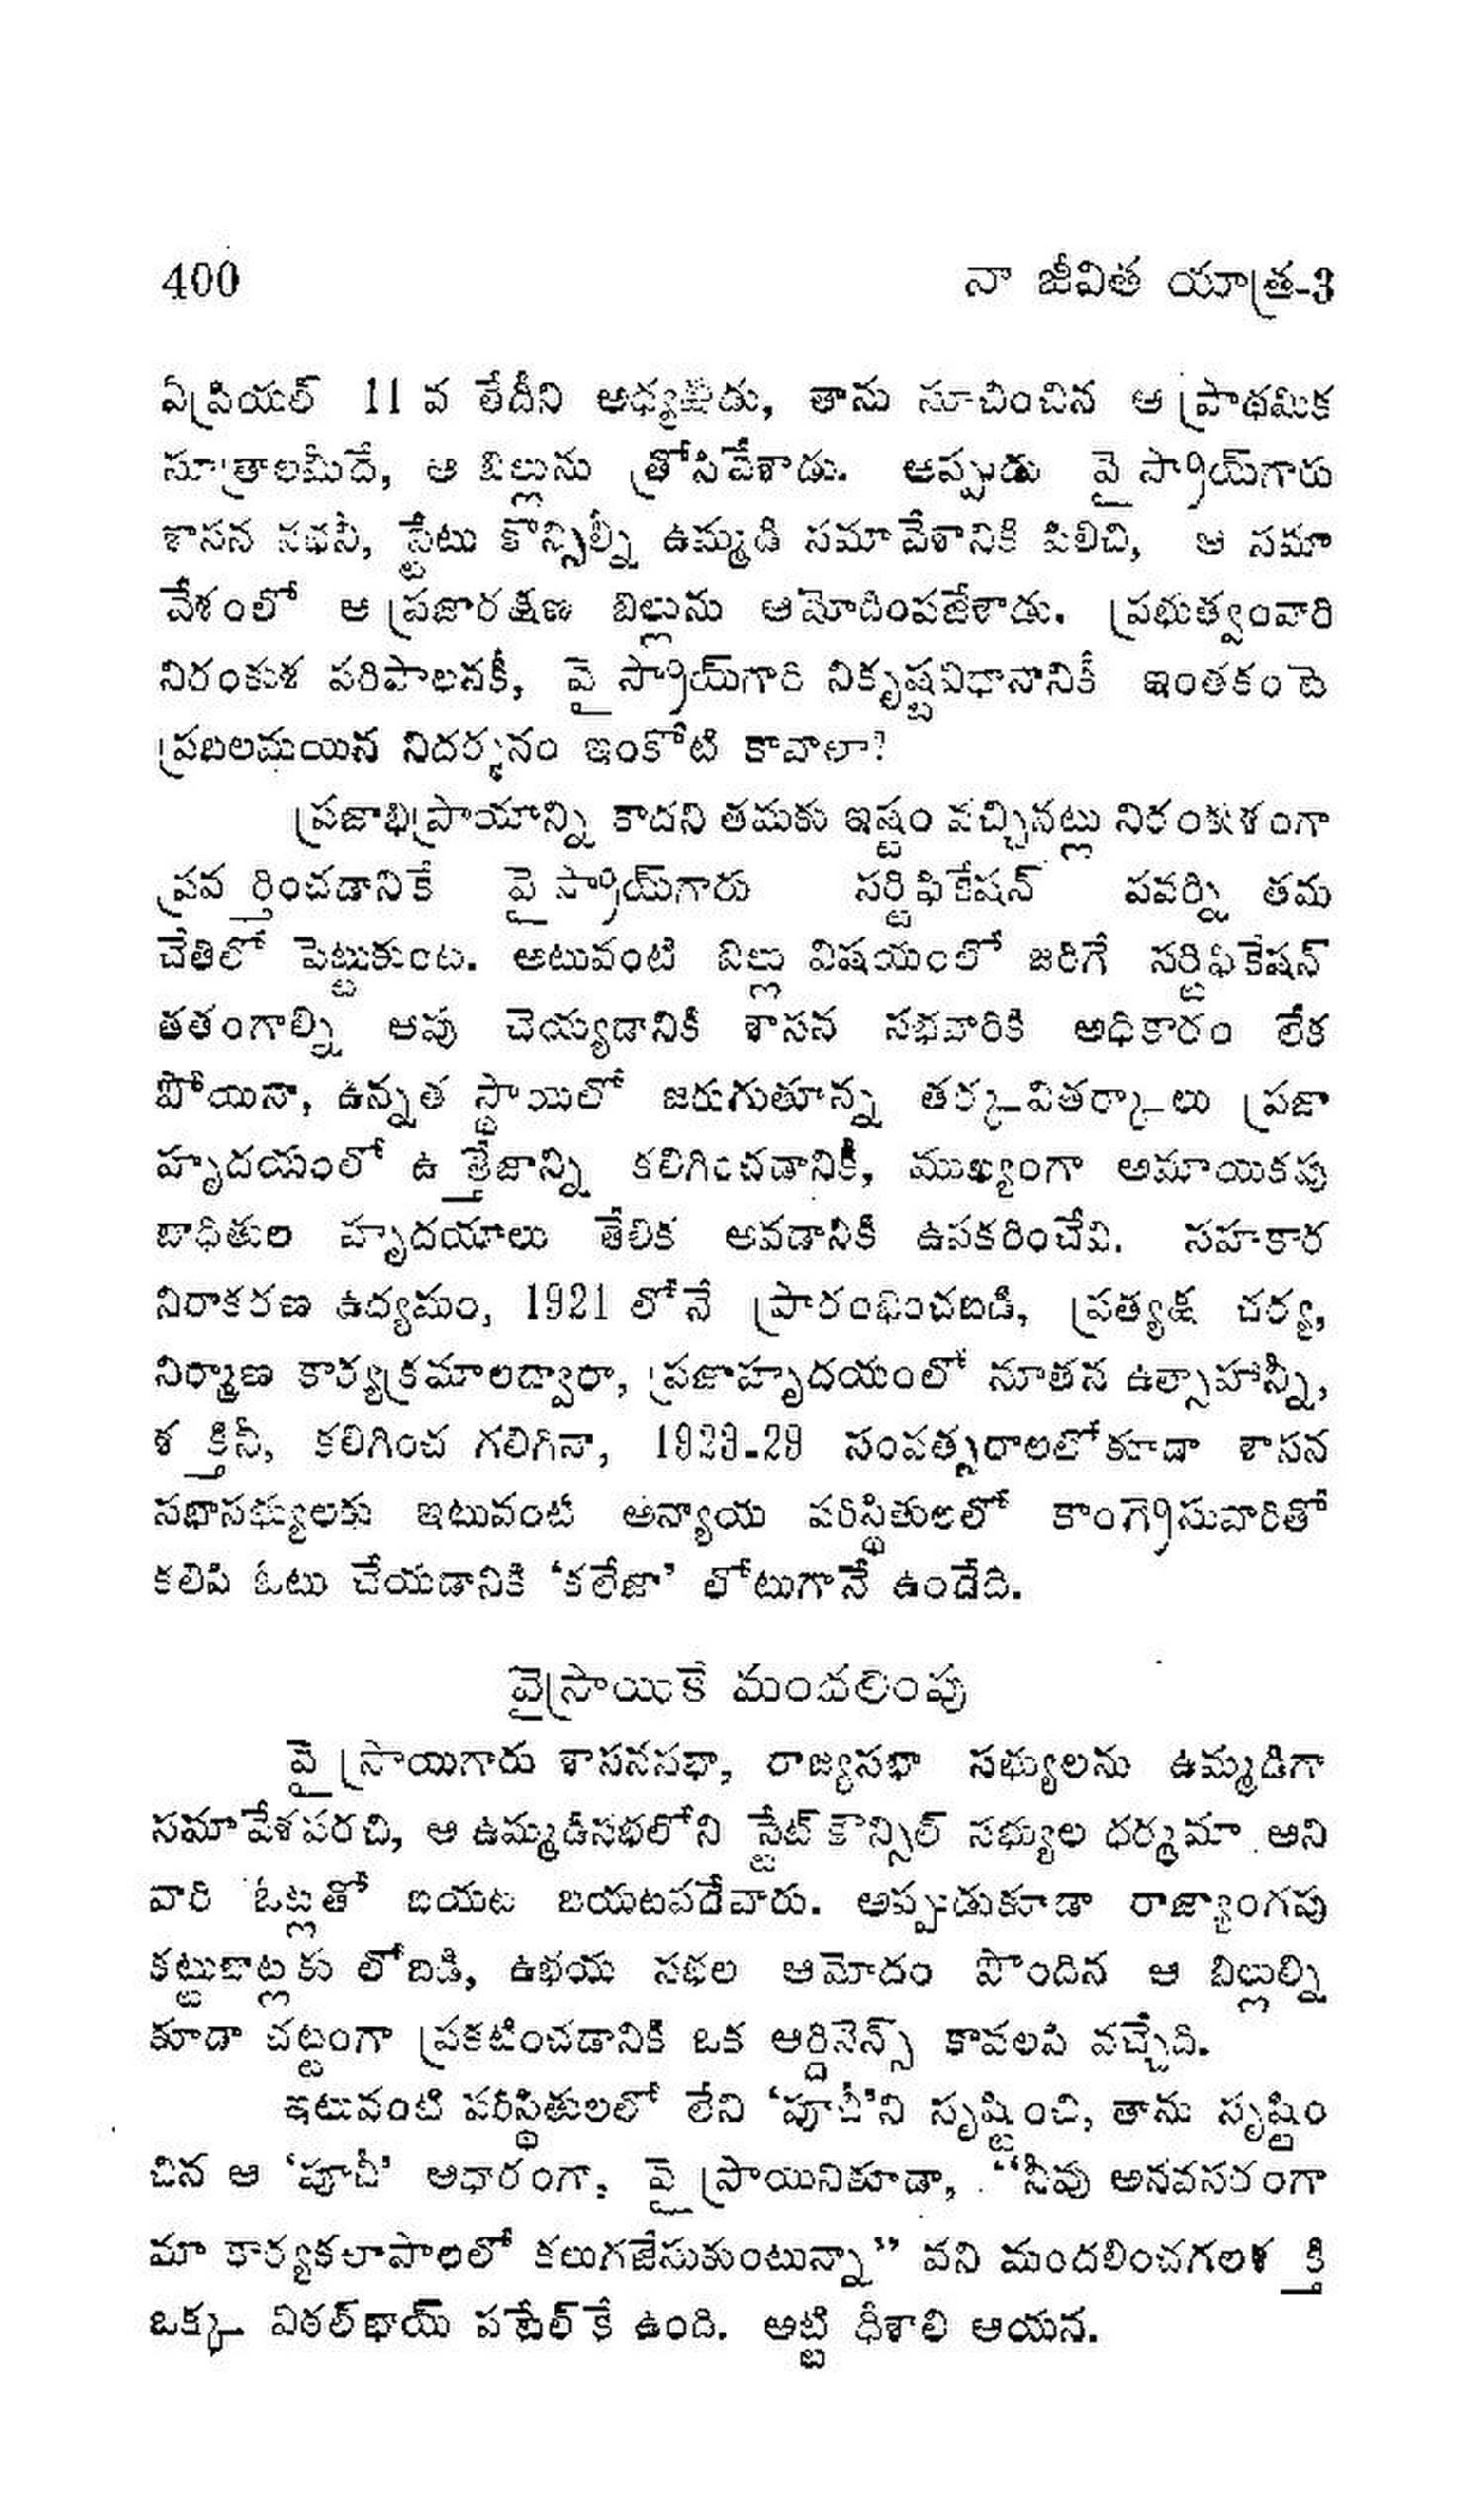ఏప్రియల్ 11 వ తేదీని అధ్యక్షుడు, తాను సూచించిన ఆ ప్రాథమిక సూత్రాల మీదే, ఆ బిల్లును త్రోసివేశాడు. అప్పుడు వైస్రాయ్‌గారు శాసన సభనీ, స్టేటు కౌన్సిల్నీ ఉమ్మడి సమావేశానికి పిలిచి, ఆ సమావేశంలో ఆ ప్రజారక్షణ బిల్లును ఆమోదింపజేశాడు. ప్రభుత్వంవారి నిరంకుశ పరిపాలనకీ, వైస్రాయ్‌గారి నికృష్ట విధానానికీ ఇంతకంటె ప్రబలమయిన నిదర్శనం ఇంకోటి కావాలా?

ప్రజాభిప్రాయాన్ని కాదని తమకు ఇష్టం వచ్చినట్లు నిరంకుశంగా ప్రవర్తించ డానికే వైస్రాయ్‌గారు సర్టిఫికేషన్ పవర్ని తమచేతిలో పెట్టుకుంట. అటువంటి బిల్లు విషయంలో జరిగే సర్టిఫికేషన్ తతంగాల్ని ఆపు చెయ్యడానికి శాసన సభవారికి అధికారం లేక పోయినా, ఉన్నత స్థాయిలో జరుగుతూన్న తర్కవితర్కాలు ప్రజా హృదయంలో ఉత్తేజాన్ని కలిగించడానికి, ముఖ్యంగా అమాయకపు బాధితుల హృదయాలు తేలిక అవడానికి ఉపకరించేవి. సహకార నిరాకరణ ఉద్యమం, 1921 లోనే ప్రారంభించబడి, ప్రత్యక్ష చర్య, నిర్మాణ కార్యక్రమాలద్వారా, ప్రజాహృదయంలో నూతన ఉత్సాహాన్నీ, శక్తినీ, కలిగించ గలిగినా, 1923 - 29 సంవత్సరాలలోకూడా శాసన సభాసభ్యులకు ఇటువంటి అన్యాయ పరిస్థితులలో కాంగ్రెసువారితో కలిసి ఓటు చేయడానికి 'కలేజా' లోటుగానే ఉండేది.

వైస్రాయిగారు శాసనసభా, రాజ్యసభా సభ్యులను ఉమ్మడిగా సమావేశపరచి, అ ఉమ్మడి సభలోని స్టేట్ కౌన్సిల్ సభ్యుల ధర్మమా అని వారి ఓట్లతో బయట బయటపడేవారు. అప్పుడుకూడా రాజ్యాంగపు కట్టుబాట్లకు లోబడి, ఉభయ సభల ఆమోదం పొందిన ఆ బిల్లుల్ని కూడా చట్టంగా ప్రకటించడానికి ఒక ఆర్డినెన్స్ కావలసి వచ్చేది.

ఇటువంటి పరిస్థితులలో లేని 'పూచీ'ని సృష్టించి, తాను సృష్టించిన ఆ 'పూచీ' ఆధారంగా, వైస్రాయినికూడా, "నీవు అనవసరంగా మా కార్యకలాపాలలో కలుగజేసుకుంటున్నా"వని మందలించగలశక్తి ఒక్క విఠల్‌భాయ్ పటేల్‌కే ఉంది. అట్టి ధీరశాలి ఆయన